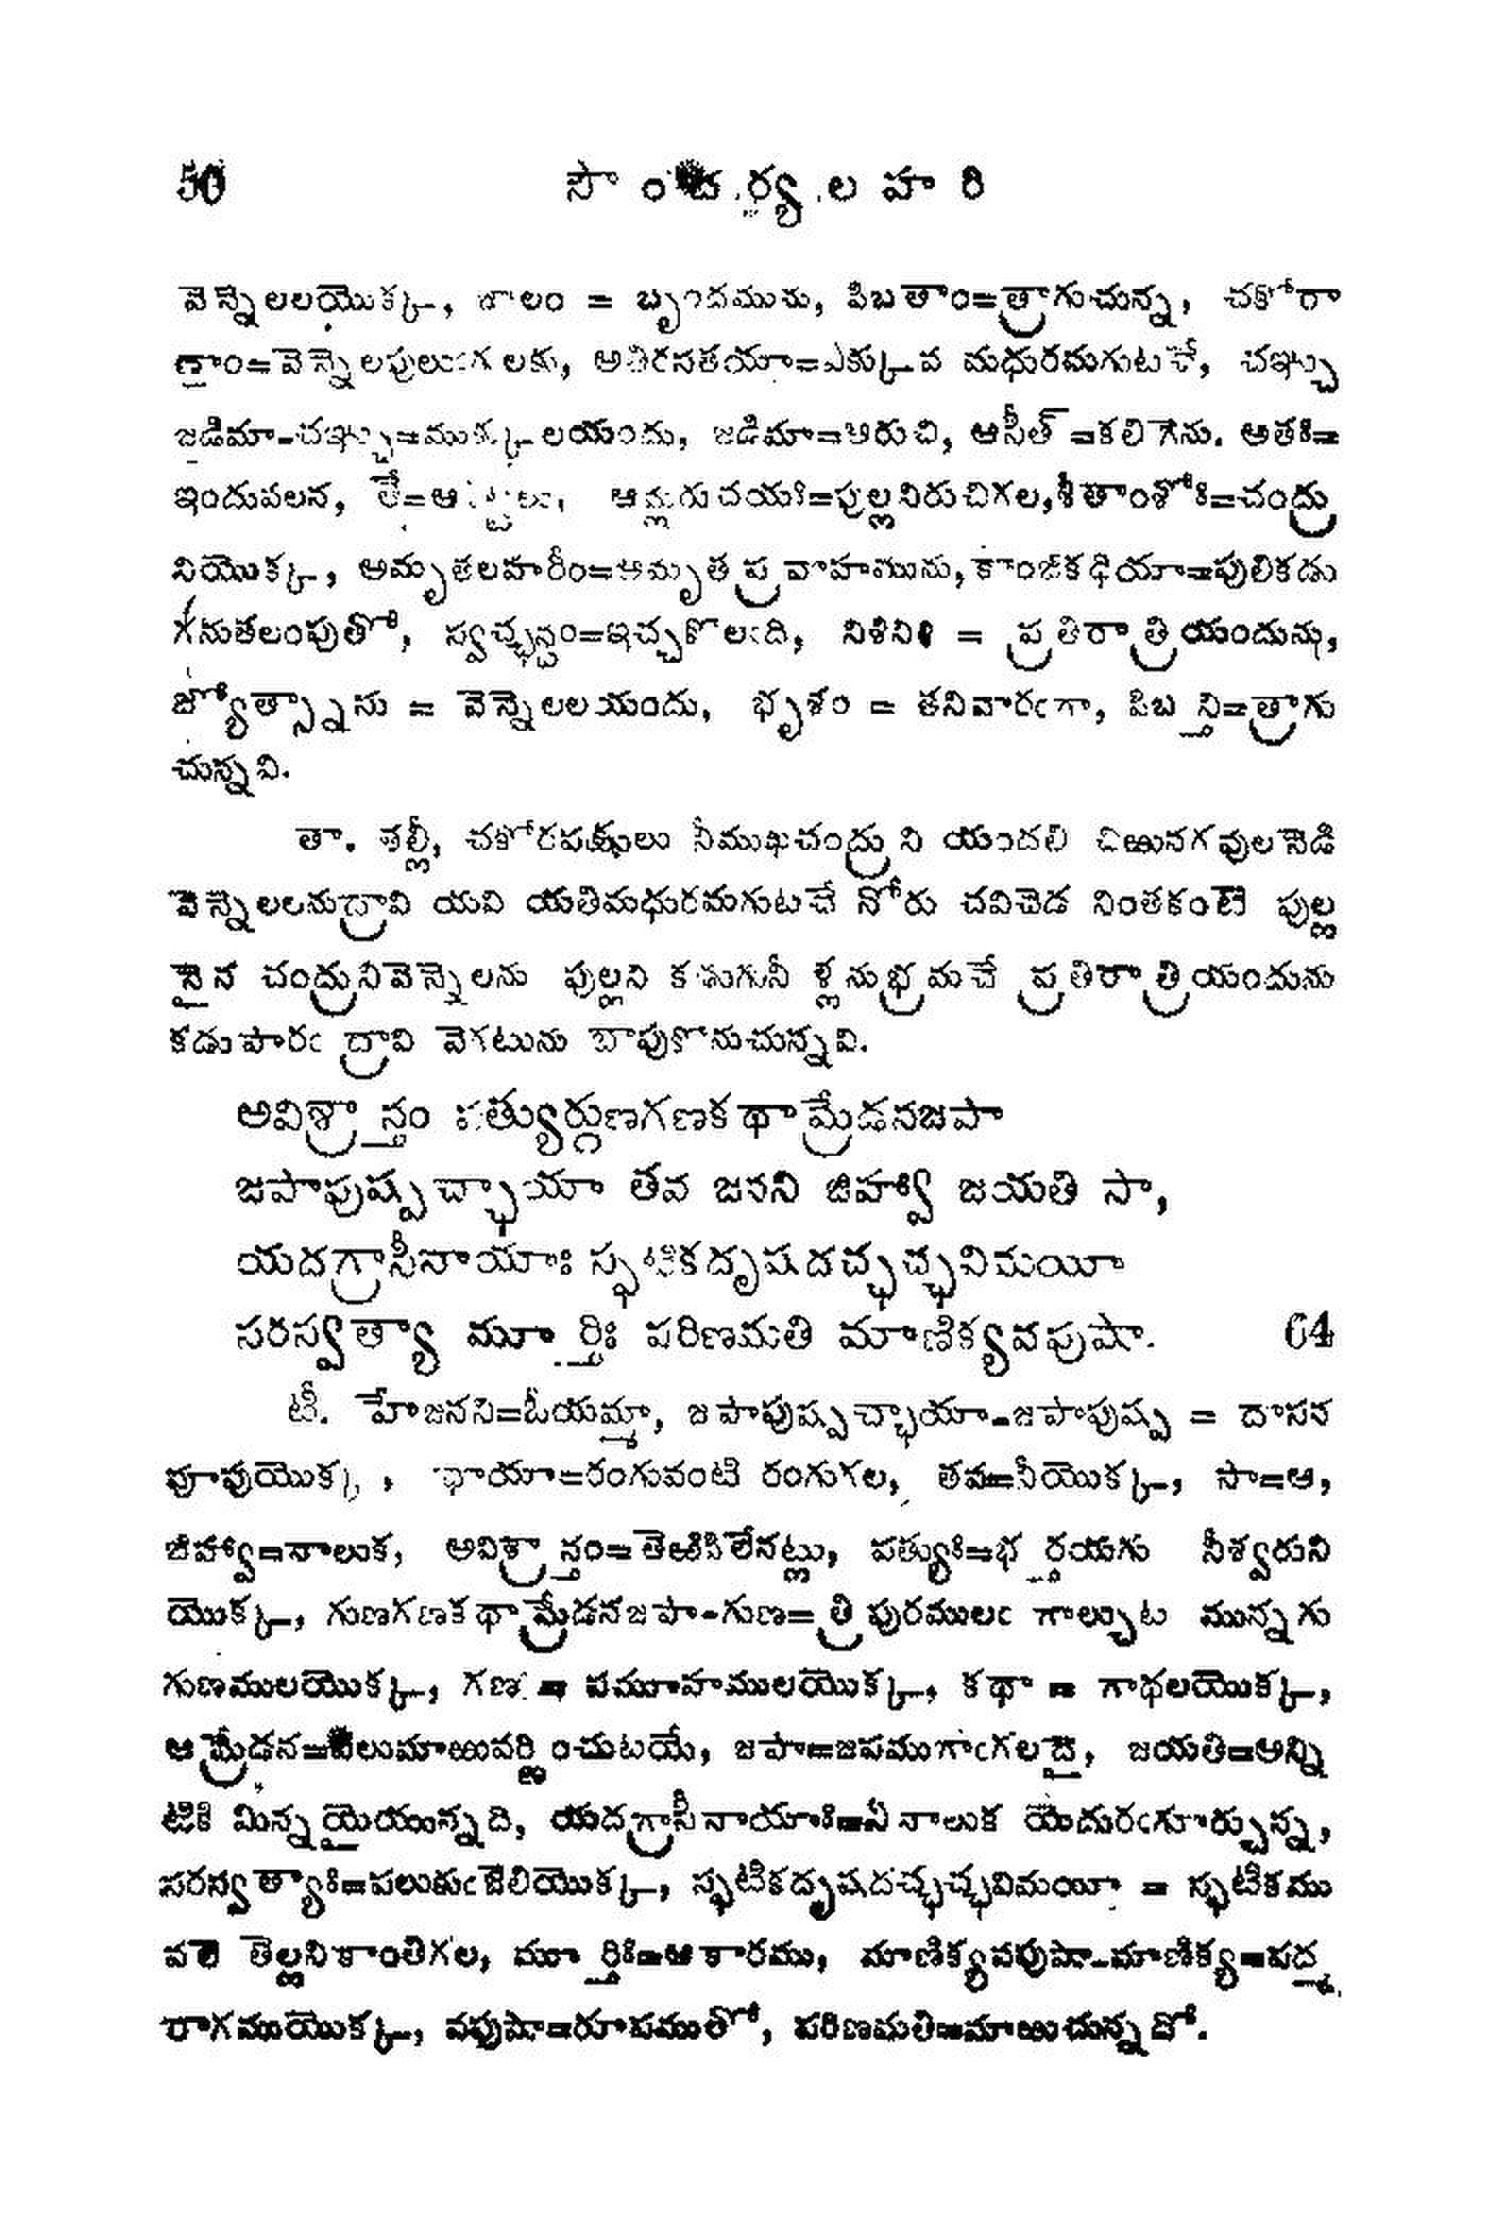వెన్నెలలయొక్క, జాలం = బృందమును, పిబతాం = త్రాగుచున్న, చకోరాణాం = వెన్నెలపులుఁగులకు, అతిరసతయా = ఎక్కువ మధురమగుటచే, చఞ్చుజడిమా-చఞ్చు = ముక్కులయందు, జడిమా = అరుచి, ఆసీత్ = కలిగెను, అతః = ఇందువలన, తే = ఆపిట్టలు, ఆమ్లరుచయః = పుల్లనిరుచిగల, శీతాంశోః = చంద్రునియొక్క, అమృతలహరీం = అమృతప్రవాహమును, కాంజికథియా = పులికడుగనుతలంపుతో, స్వచ్ఛన్దం = ఇచ్చకొలఁది, నిశినిశి = ప్రతిరాత్రియందును, జ్యోత్స్నాసు = వెన్నెలలయందు, భృశం = తనివారఁగా, పిబన్తి = త్రాగుచున్నవి.

తా. తల్లీ, చకోరపక్షులు నీముఖచంద్రుని యందలి చిఱునగవులనెడి వెన్నెలలనుద్రావి యవి యతిమధురమగుటచే నోరు చవిచెడ నింతకంటె పుల్లనైన చంద్రునివెన్నెలను పుల్లని కడుగునీ ళ్లనుభ్రమచే ప్రతిరాత్రియందును కడుపారఁ ద్రావి వెగటును బాపుకొనుచున్నవి.

అవిశ్రాన్తం వత్యుర్గుణగణకథామ్రేడనజపా
జపాపుష్పచ్ఛాయా తవ జనని జిహ్వా జయతి సా,
యదగ్రాసీనాయాః స్ఫటికదృషదచ్ఛచ్ఛవిమయీ
సరస్వత్యా మూర్తిః పరిణమతి మాణిక్యవపుషా. 64
టీ. హేజనని = ఓయమ్మా, జపాపుష్పచ్ఛాయా-జపాపుష్ప = దాసనపూవుయొక్క, ఛాయా = రంగువంటి రంగుగల, తవ = నీయొక్క, సా = ఆ, జిహ్వా = నాలుక, అవిశ్రాన్తం = తెఱిపిలేనట్లు, పత్యుః = భర్తయగు నీశ్వరునియొక్క, గుణగణకథామ్రేడనజపా-గుణ = త్రిపురములఁ గాల్చుట మున్నగు గుణములయొక్క, గణ = సమూహములయొక్క, కథా = గాథలయొక్క, ఆమ్రేడన = పలుమాఱువర్ణించుటయే, జపా = జపముగాఁగలదై, జయతి = అన్నిటికి మిన్నయైయున్నది, యదగ్రాసీనాయాః = ఏ నాలుక యెదురఁగూర్చున్న, సరస్వత్యాః = పలుకుఁజెలియొక్క, స్ఫటికదృషదచ్ఛచ్ఛవిమయీ = స్ఫటికమువలె తెల్లనికాంతిగల, మూర్తిః = ఆకారము, మాణిక్యవపుషా-మాణిక్య = పద్మరాగముయొక్క, వపుషా = రూపముతో, పరిణమతి = మాఱుచున్నదో.